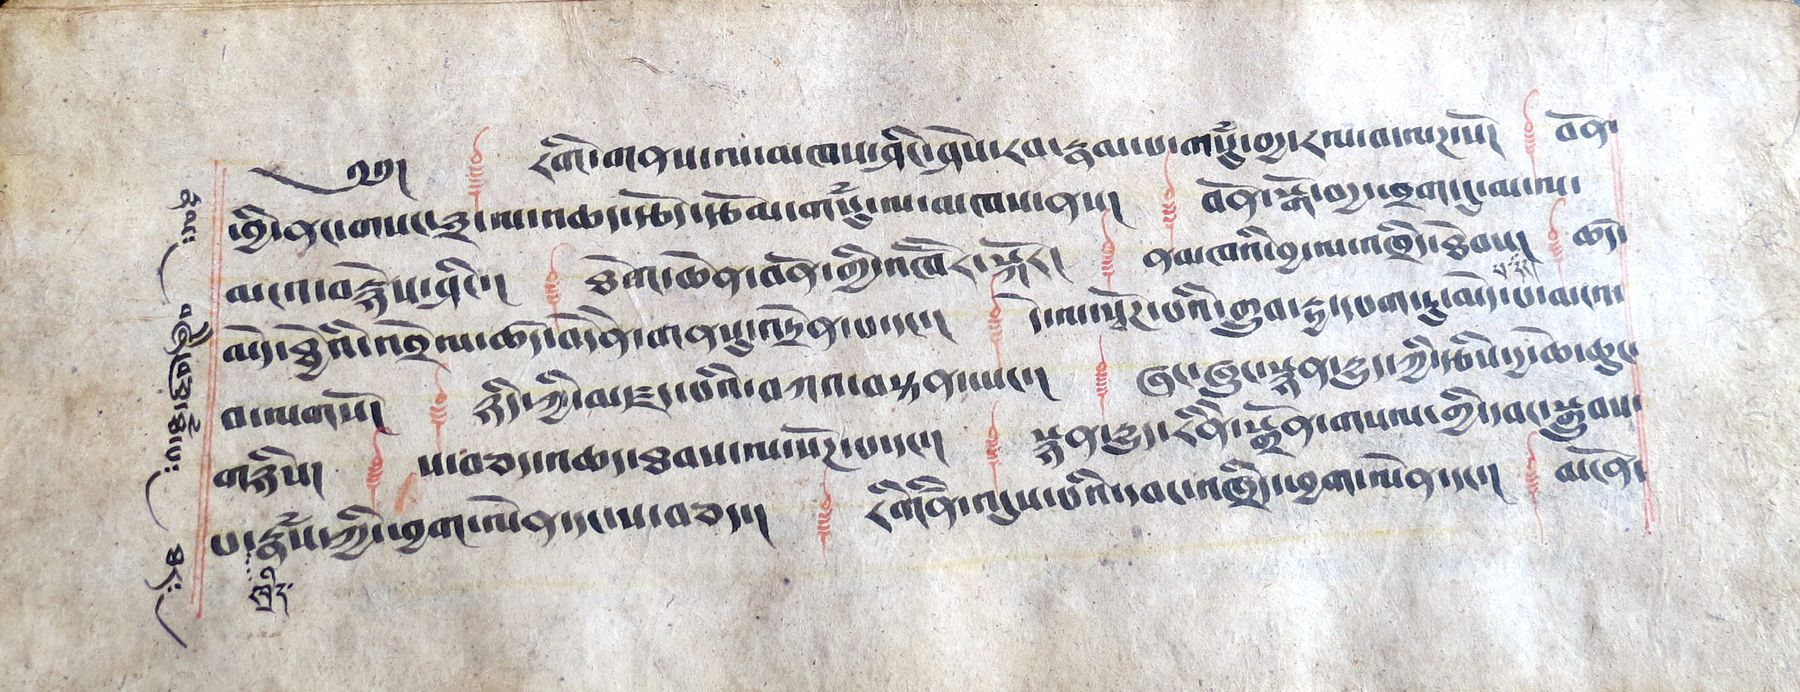རིག་གནས་ལ་མཁས་ཤིང་ཤེས་རབ་རྣམ་པ་གསུམ་རྒྱ་རལ་བ་ལགས་སོ། ། བོན་
ཕྱི་ནང་གསང་གསུམ་ལ་འཆད་རྕོད་རྩོམ་གསུམ་ལ་མཁས་ནས་བོན་སྒོ་བརྒྱ་ཕྲག་དུ་མ་ལ་
མངའ་བརྙེས་ཤིང་། ཐེག་ཆེན་བོན་གྱི་འཁོར་ལོ་བསྐོར། ནམ་མཁའི་བྱ་ལ་ཁྲིད་ཐེབས་པ་དང་། ཚད་
མེད་ཐུགས་རྗེའི་འབྲེལ་ཚད་བདེ་ཆེན་གནས་སུ་འདྲེན་པ་དང་། དེ་ལ་སོགས་པའི་གྲུབ་རྟགས་དཔག་ཏུ་མེད་པ་མངའ་
བ་ལགས་སོ། ། ཉིད་ཀྱིས་མཛད་པའི་བཀའ་བསྟན་ཡང་། ཞང་ཞུང་སྙན་རྒྱུད་ཀྱི་རྩིས་རྒྱ་ཆེ་ཆུང་
གཉིས། ས་བཅད་འཆད་ཐབས་ལ་སོགས་པ་དང་། སྙན་རྒྱུད་རིན་ཆེན་སྒྲོན་གསལ་གྱི་དབང་། སྒྲུབས་
པ། ཁྲིད་རྣམས་ཀྱི་ཕྱག་ལེན་དང་ས་བཅད། རིག་འཛིན་འདུས་པའི་དབང་ཁྲིད་ཕྱག་ལེན་དང་། མངོན་